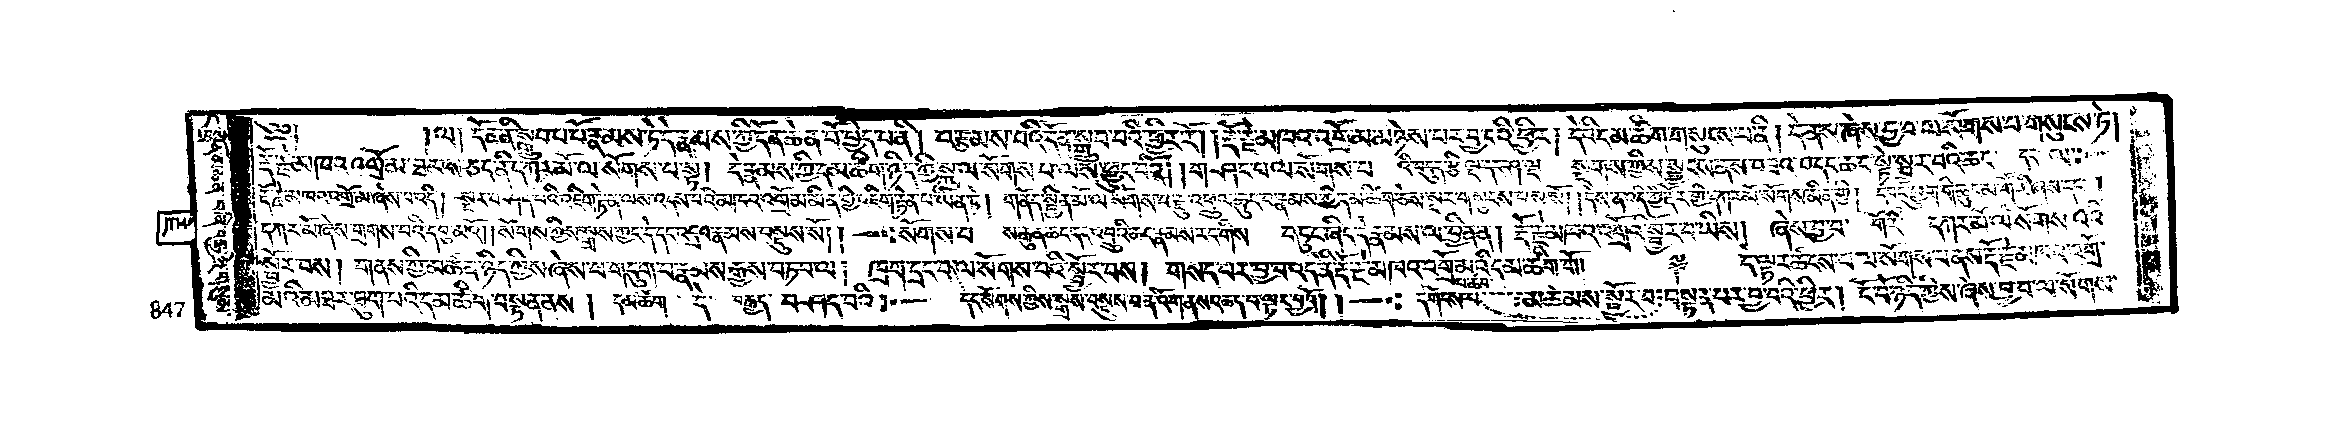༄༅། །ལ། དོན་ནི་སྒྲུབ་པ་པོ་རྣམས་ཏེ་དེ་རྣམས་ཀྱི་དོན་ཆེན་པོ་བྱེད་པ་ནི། བརྩམས་པའི་དོན་སྒྲུབ་པའི་ཕྱིར་རོ། །རྡོ་རྗེ་མཁའ་འགྲོ་མ་མཉེས་པར་བྱ་བའི་ཕྱིར། དེའི་དམ་ཚིག་གསུངས་པ་ནི། དེ་ནས་ཞེས་བྱ་བ་ལ་སོགས་པ་གསུངས་ཏེ།
རྡོ་རྗེ་མཁའ་འགྲོ་མ་ཐམས་ཅད་ནི་དཀར་མོ་ལ་སོགས་པ་སྟེ། དེ་རྣམས་ཀྱི་དམ་ཚིག་ཉིད་ཀྱི་སྐུ་ལ་སོགས་པ་ལས་ཕྱུང་བའོ། །གཤང་པ་ལ་སོགས་པའི་བདུད་རྩི་ལྔ་དང་ཤ་ལྔ་སྔགས་ཀྱིས་སྦྱངས་ནས་བཟའ་བ་དང་ཆང་སྟེ་སྦྱར་བའི་ཆང་དང་ལཿ
རྡོ་རྗེ་མཁའ་འགྲོ་མ་ཞེས་པ་འདི། སྔར་བཤད་པའི་འཇིག་རྟེན་ལས་འདས་པའི་མཁའ་འགྲོ་མ་མིན་གྱི་འཇིག་རྟེན་པ་ཡིན་ཏེ། གནོད་སྦྱིན་མོ་ལ་སོགས་པ་རྫུ་འཕྲུལ་ཆུང་བ་རྣམས་ཀྱི་དམ་ཚིག་ཅེས་སྔར་གསུངས་པས་སོ། །དེས་ན་འདི་ཀྱཻ་རྡོར་གྱི་དཀར་མོ་སོགས་མིན་གྱི། དབང་ཕྱུག་གི་ཆུང་མ་གཽ་རི་ཞེས་དང་།
དཀར་མོ་ཞེས་གྲགས་བའི་དབུ་མའོ། །སོགས་ཀྱིས་སྒྲས་ཀྱང་དེ་དང་འདྲས་རྣམས་བསྡུས་སོ། །.H སོགས་པས་རྒྱུན་ཆང་དང་འབྲུའི་ཆང་རྣམས་རང་གིས་བཏུང་ཞིང་དེ་རྣམས་ལ་བྱིན་ན། རྡོ་རྗེ་མཁའ་འགྲོའི་སྦྱོར་བ་ཡིས། ཞེས་བྱ་བ་གཽ་རི ༡་དཀར་མོ་ལ་སོགས་པའི་
སྦྱོར་བས། གནས་ཀྱི་མཚན་ཉིད་ཀྱིས་ཞེས་པ་གདུག་པ་རྣམས་རྒྱས་བཏབ་ལ། ཁྲག་དྲང་བ་ལ་སོགས་པའི་སྦྱོར་བས། གསད་པར་བྱ་བ་འདི་ནི་རྡོ་རྗེ་མཁའ་འགྲོ་མའི་དམ་ཚིག་གོ། ༈ དེ་ལྟར་ཚངས་པ་ལ་སོགས་པ་ནས་རྡོ་རྗེ་མཁའ་འགྲོ་
མའི་མཐར་ཐུག་པའི་དམ་ཚིག་བསྟན་ནས། དམ་ཚིག་དེ་བརྒྱད་བཤད་པའིཿ་དང་སོགས་ཀྱིས་སྒྲས་བསྡུས་པ་ནི་འོག་ནས་འཆད་པ་ལྟར་བྱའོ། །.H དགོངས་པ་པ་ཚབ྄་དགོངས་པ་མཚམས་སྦྱོར་བ་བསྟན་པར་བྱ་བའི་ཕྱིར། ངོ་བོ་ཉིད་ཀྱིས་ཞེས་བྱ་བ་ལ་སོགས་